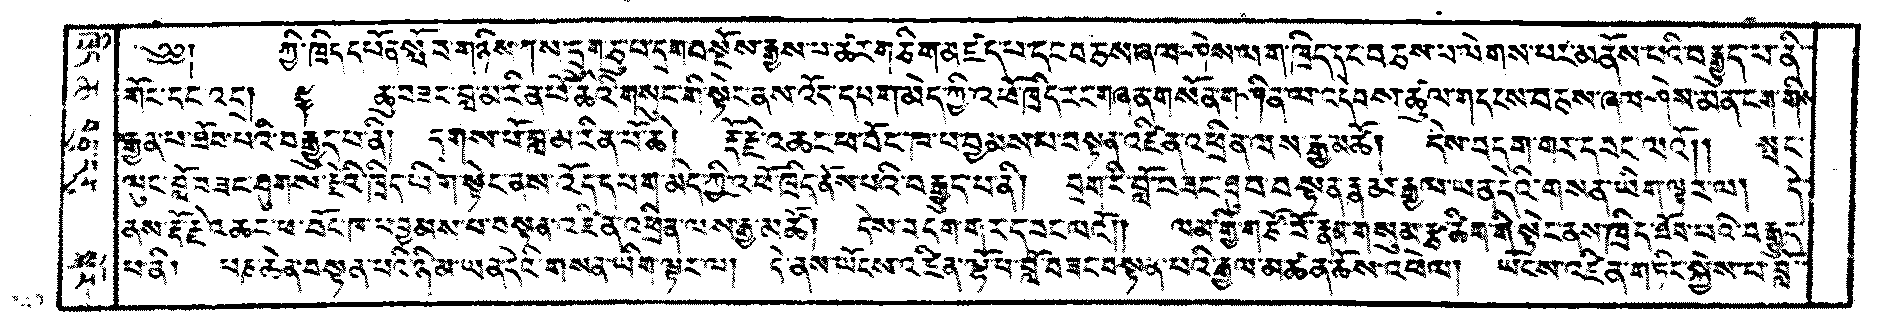༄༅། །ཀྱི་ཁྲིད་དཔོན་སློབ་གཉིས་ཀས་དྲུག་ཅུ་པ་དྲག་བསྔོས་རྒྱས་པ་ཚར་གཅིག་མཛད་པ་དང་བཅས་ཞལ་ཤེས་ལག་ཁྲིད་དང་བཅས་པ་ལེགས་པར་མནོས་པའི་བརྒྱུད་པ་ནི་
གོང་དང་འདྲ། ༈ ཆུ་བཟང་བླ་མ་རིན་པོ་ཆེའི་གསུང་གི་སྟེང་ནས་འོད་དཔག་མེད་ཀྱི་འཕོ་ཁྲིད་རང་གཞན་གསོན་གཤིན་ལ་འདེབས་ཚུལ་གདངས་བཅས་ཞལ་ཤེས་མན་ངག་གིས་
རྒྱན་པ་ཐོབ་པའི་བརྒྱུད་པ་ནི། དྭགས་པོ་བླ་མ་རིན་པོ་ཆེ། རྡོ་རྗེ་འཆང་ཕ་བོང་ཁ་པ་བྱམས་པ་བསྟན་འཛིན་འཕྲིན་ལས་རྒྱ་མཚོ། དེས་བདག་གར་དབང་ལའོ། །སྤང་
ལུང་བློ་བཟང་ཐུགས་རྗེའི་ཁྲིད་ཡིག་སྟེང་ནས་འོད་དཔག་མེད་ཀྱི་འཕོ་ཁྲིད་ནོས་པའི་བརྒྱུད་པ་ནི། བྲག་རི་བློ་བཟང་ཐུབ་བསྟན་རྣམ་རྒྱལ་ཡན་དེའི་གསན་ཡིག་ལྟར་ལ། དེ་
ནས་རྡོ་རྗེ་འཆང་ཕ་བོང་ཁ་པ་བྱམས་པ་བསྟན་འཛིན་འཕྲིན་ལས་རྒྱ་མཚོ། དེས་བདག་གར་དབང་ལའོ། །ལམ་གྱི་གཙོ་བོ་རྣམ་གསུམ་རྩ་ཚིག་གི་སྟེང་ནས་ཁྲིད་ཐོབ་པའི་བརྒྱུད་
པ་ནི། པཎ་ཆེན་བསྟན་པའི་ཉི་མ་ཡན་དེའི་གསན་ཡིག་ལྟར་ལ། དེ་ནས་ཡོངས་འཛིན་ལྷོ་ཕ་བློ་བཟང་བསྟན་པའི་རྒྱལ་མཚན་ཆོས་འཕེལ། ཡོངས་འཛིན་གཏིང་སྐྱེས་པ་བློ་